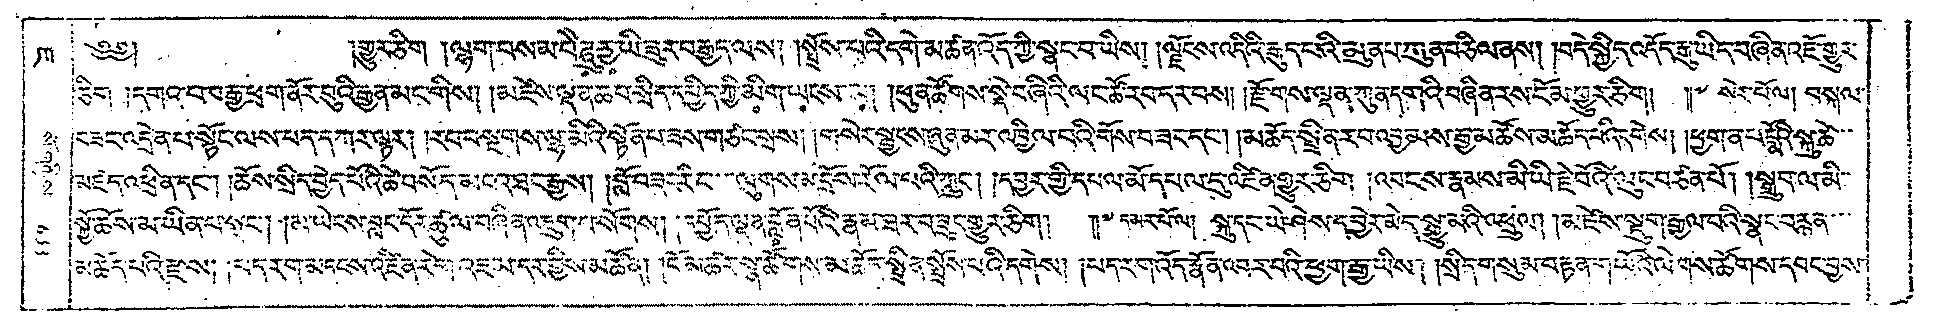༄༅། །གྱུར་ཅིག །ལྷག་བསམ་བཻཌཱུརྱ྾་ཡི་ཟུར་བརྒྱད་ལས། །སྤྲོས་པའི་དགེ་མཚན་འོད་ཀྱི་སྣང་བ་ཡིས། །ལྗོངས་འདིའི་རྒུད་པའི་མུན་པ་ཀུན་བཅིལ་ནས། །བདེ་སྐྱིད་འདོད་རྒུ་ཡིད་བཞིན་འཇོ་གྱུར་
ཅིག །དགའ་བ་བརྒྱ་ཕྲག་ནོར་བུའི་རྒྱན་མང་གིས། །མཛེས་ལྡན་ཆབ་སྲིད་དཔྱིད་ཀྱི་མིག྾་ཡངས྾་མ྾། །ཕུན་ཚོགས་སྡེ་བཞིའི་ལང་ཚོ་རབ་དར་པས། །རྫོགས་ལྡན་ཀུན་དགའི་བཞིན་རས་ངོམ་གྱུར་ཅིག ། །།༧སེར་པོ་ལ། བསྐལ་
བཟང་འདྲེན་པ་སྟོང་ལས་པད་དཀར་ལྟར། །རབ་བསྔགས་ལྷ་མིའི་སྟོན་པ་ཟས་གཙང་སྲས། །གསེར་སྦྱངས་ཞུན་མར་འཁྱིལ་བའི་གོས་བཟང་དང་། །མཆོད་སྤྲིན་རབ་འབྱམས་རྒྱ་མཚོས་མཆོད་པའི་དགེས། །ཕྱག་ན་པདམོའི་སྐུ་ཚེ་
མཛད་འཕྲིན་དང་། །ཆོས་སྲིད་བྱེད་པོའི་ཚེ་བསོད་མངའ་ཐང་རྒྱས། །བློ་བཟང་རིང་ལུགས་མ་དྲོས་རོལ་པའི་ཀླུང་། །དབྱར་གྱི་དཔལ་མོ་དཔལ་དུ་འཛིན་གྱུར་ཅིག །འབངས་རྣམས་མི་ཡི་རྗེ་བོའི་ལུང་བཙན་པོ། །སྒྲུབ་ལ་མི་
སྐྱོ་ཆོས་མ་ཡིན་པ་སྤང་། །མ་ཡེངས་བླང་དོར་ཚུལ་བཞིན་འཇུག་པ་སོགས། །དཔྱོད་ལྡན་བློན྾་པོའི་རྣམ་ཐར་བཟུང་གྱུར་ཅིག ། །།༧དམར་པོ་ལ།  སྐུ་དང་ཡེ་ཤེས་དབྱེར་མེད་སྒྱུ་མའི་འཕྲུལ། །མཛེས་སྡུག་རྒྱལ་བའི་སྣང་བརྙན་
མཆོད་པའི་རྫས། །པད་རག་མདངས་འཛིན་རེག་འཇམ་དར་གྱིས་མཚོན། །ངོ་མཚར་སྣ་ཚོགས་མཆོད་སྤྲིན་སྤྲོས་པའི་དགེས། །པད་རག་འོད་རྣོན་འབར་བའི་ཕྱག་རྒྱ་ཡིས། །སྲིད་གསུམ་བརྟན་གཡོའི་ལེགས་ཚོགས་དབང་བྱས་